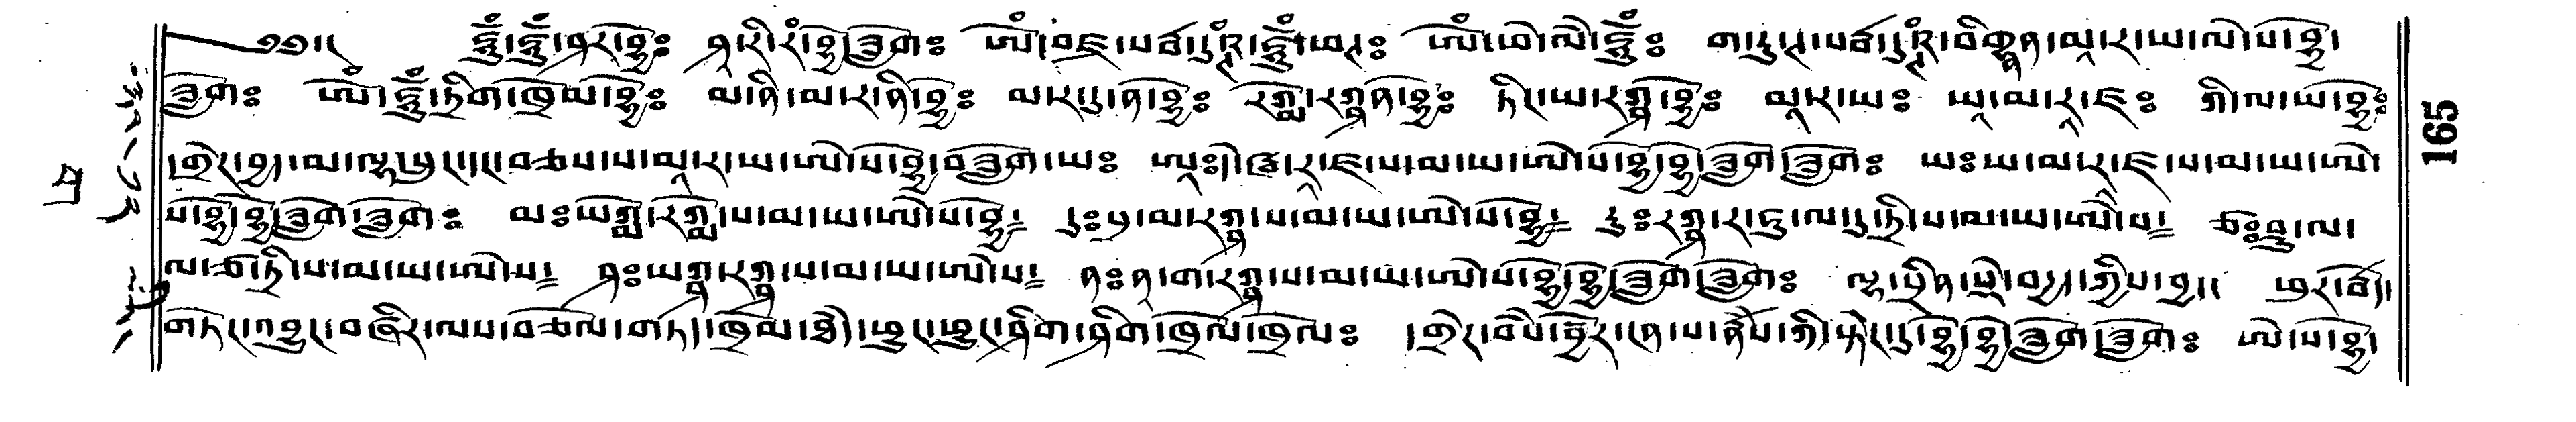ཧཱུྃ་ཧཱུྃ་ཤར་བྷྱོ༔ ཤཱ་རི་རཾ་བྷྱོ་ཟློག༔ ཨོཾ་བཛྲ་སརྦ་དུཥྚན་ཧཱུྃ་ཕཊ༔ ཨོཾ་ཕེ་ལཾ་ཧཱུྃ༔ ག་རུ་ཊ་སརྦ་དུཥྚན་བིགྷྣན་མཱ་ར་ཡ་ཨེ་ས་བྷྱོ་
ཟློག༔ ཨོཾ་ཧཱུྃ་ཏྲིག་ཁྲོམ་བྷྱོ༔ མ་ནི་མ་ར་ནི་བྷྱོ༔ མ་ར་དུ་ན་བྷྱོ༔ རཀྨོ་རཀྴན་བྷྱོ༔ ཏིང་ཡ་རཀྴ་བྷྱོ༔ མཱ་ར་ཡ༔ ཡཱ་མ་རཱ་ཛ༔ ཀི་ལ་ཡ་བྷྱོ༔ 
དགྲ་བགེགས་བྱད་མ་ལྷ་སྲུང་དང་བཅས་པ་མཱ་ར་ཡ་ཨེ་ས་བྷྱོ་ཟློག་ཡ༔ ཨཱ༔དེ་ཝ་རཱ་ཛ་ས་མ་ཡ་ཨེ་ས་བྷྱོ་བྷྱོ་ཟློག་ཟློག༔ ཡ༔ཡ་མ་རཱ་ཛ་ས་མ་ཡ་ཨེ་
ས། མཿཡཀྨོ་རཀྨོ་ས་མ་ཡ་ཨེ་ས་བྷྱོ། བྷྱོ་བྷྱོ་ཟློག་ཟློག༔ དུཿཔྲ་མ་རཀྴ་ས་མ་ཡ་ཨེ་ས་བྷྱོ་བྷྱོ་ཟློག་ཟློག༔ རུཿརཀྴ་ར་ཧུ་ལ་དུ་ཏྲི་ས་མ་ཡ་ཨེ་ས་བྷྱོ་བྷྱོ་ཟློག་ཟློག༔ ཙཿབྡུ་ལ་
ལ་ཙ་ཏྲི་ས་མ་ཡ་ཨེ་ས་བྷྱོ་བྷྱོ་ཟློག་ཟློག༔ ཤཿཡཀྴ་རཀྴ་ས་མ་ཡ་ཨེ་ས་བྷྱོ་བྷྱོ་ཟློག་ཟློག༔ ནཿནཱ་ག་རཀྴ་ས་མ་ཡ་ཨེ་ས་བྷྱོ་བྷྱོ་ཟློག་ཟློག༔ ལྷ་སྲིན་སྡེ་བརྒྱད་ཀྱིས་བྱད་ཕུར་རྦོད་
གཏོང་འབྱུང་བཞིར་ལས་བཅོལ་གཏད་ཁྲོམ་ཐམས་ཅད་ཕྱུང་ཕྱུང་ཤིགས་ཤིགས་ཁྲོལ་ཁྲོལ༔ དགྲ་བགེགས་བསམ་སྦྱོར་ངན་པ་རྣམས་ཀྱི་སྟེང་དུ་བྷྱོ་བྷྱོ་ཟློག་ཟློག༔ ཨེ་ས་བྷྱོ་